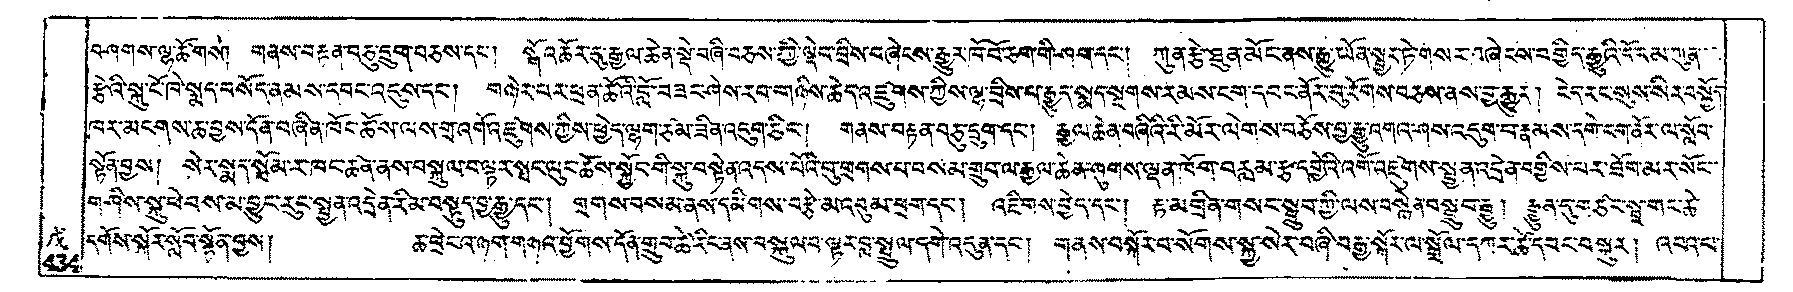བཤགས་ལྷ་ཚོགས། གནས་བརྟན་བཅུ་དྲུག་བཅས་དང་། སྒོ་འཆོར་དུ་རྒྱལ་ཆེན་སྡེ་བཞི་བཅས་ཀྱི་ལྡེབ་བྲིས་བཞེངས་རྒྱུར་ཁོ་བོ་ཅག་གི་ཤག་དང་། ཀུན་རྩེ་ཐུན་མོང་ནས་རྒྱུ་ཡོན་སྦྱར་ཏེ་གསར་བཞེངས་བགྱིད་རྒྱུའི་དོ་དམ་ཀུན་
རྩེའི་སྐུ་ངོ་ཁེ་སྨད་བསོད་ནམས་དབང་འདུས་དང་། གཉེར་པར་ཕྲན་ཚོའི་བློ་བཟང་ཤེས་རབ་གཉིས་ཆེད་འཛུགས་ཀྱིས་ལྷ་བྲིས་པ་རྒྱུད་སྨད་སྔགས་རམས་ངག་དབང་ནོར་བུ་རོགས་བཅས་ནས་བྱ་རྒྱུར། ངེད་རང་སུས་སིར་བསྐྱོད་
ཁར་མངགས་ཆ་བྱས་དོན་བཞིན་ཁོང་ཚོས་ལས་གྲ་འགོ་འཛུགས་ཀྱིས་ཕྱེད་ལྷག་ཙམ་ཟིན་འདུག་ཅིང་། གནས་བརྟན་བཅུ་དྲུག་དང་། རྒྱལ་ཆེན་བཞིའི་རི་མོར་ལེགས་བཅོས་བྱ་རྒྱུ་འགའ་ཤས་འདུག་པ་རྣམས་དགེ་ངག་ནོར་ལ་སློབ་
སྟོན་བྱས། སེར་སྨད་སྤོམ་ར་ཁང་ཚན་ནས་བསྐུལ་བ་ལྟར་སྤང་ལུང་ཆོས་སྐྱོང་གི་སྐུ་བསྟེན་འདས་པོའི་བུ་གྲགས་པ་བསམ་གྲུབ་ལ་རྒྱལ་ཆེན་ཤུགས་ལྡན་ཁོག་བརླམ་རྩ་དབྱེའི་འགོ་འཛུགས་སྤྱན་འདྲེན་བགྱིས་པར་ཐོག་མར་སོང་
གཤིས་སྐུ་ཕེབས་མ་བྱུང་རུང་སྤྱན་འདྲེན་རིམ་བསྟུད་བྱ་རྒྱུ་དང་། གྲགས་བསམ་ནས་དམིགས་བརྩེ་མ་འབུམ་ཕྲག་དང་། འཇིགས་བྱེད་དང་། རྟ་མགྲིན་གསང་སྒྲུབ་ཀྱི་ལས་བསྙེན་བསྒྲུབ་རྒྱུ། རྒྱུན་དུ་གཙང་སྦྲ་གང་ཆེ་
དགོས་སྐོར་སློབ་སྟོན་བྱས། ཆ་ཕྲེང་འ་ཉག་གཉའ་ཕྱོགས་དོན་གྲུབ་ཚེ་རིང་ནས་བསྐུལ་བ་ལྟར་བླ་སྤྲུལ་དགེ་འདུན་དང་། གནས་བསྐོར་བ་སོགས་སྐྱ་སེར་བཞི་བརྒྱ་སྐོར་ལ་སྒྲོལ་དཀར་ཚེ་དབང་བསྐུར། འབའ་པ་